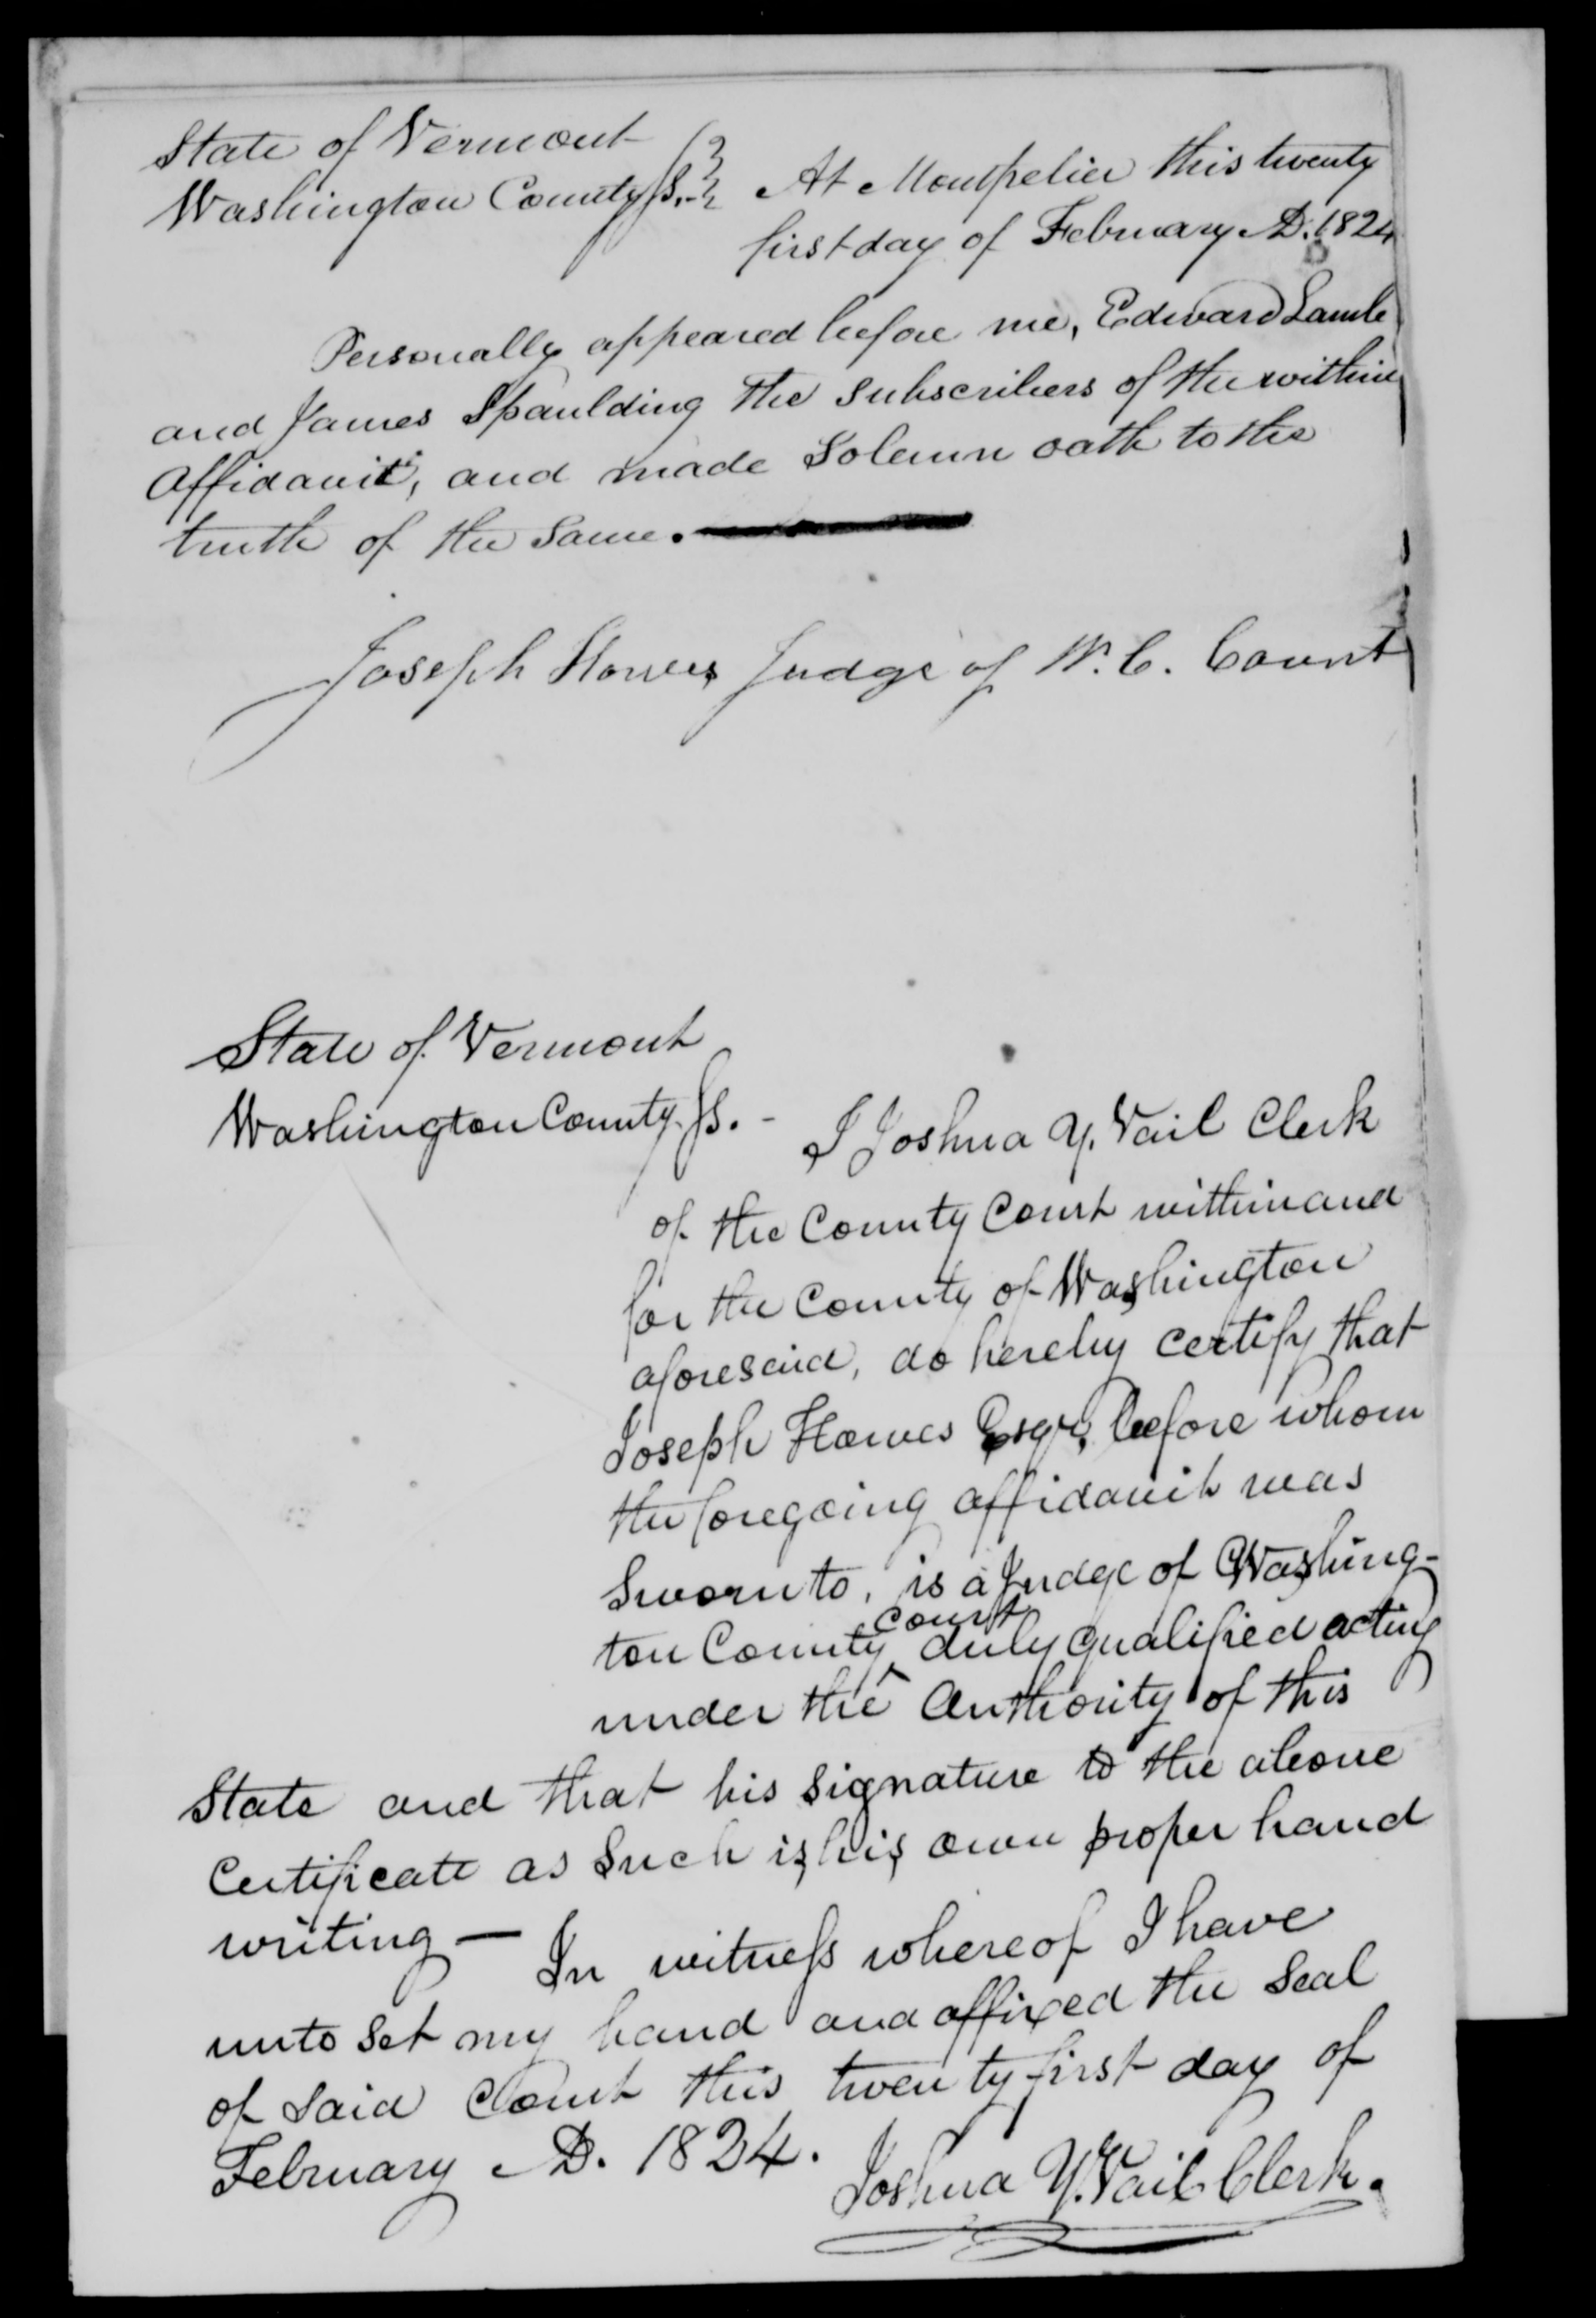State of Vermont
Washington County Ss
At Montpelier this twenty first day of February AD. 1824
Personally appeared before me Edward Lamb and James Spaulding the subscribers of the within affidavit, and made solemn oath to the truth of the same.
Joseph Howes Judge of W. C. County

State of Vermont
Washington County Ss. 
I Joshua Y. Vail Clerk of the County Court within and for the county of Washington aforesaid, do hereby certify that Joseph Howes Esq. before whom the foregoing affidavit was sworn to is a Judge of Washington County Court duly qualified acting under the authority of this state and that his signature to the above certificate as such is his own proper hand writing.
In witness whereof I have unto set my hand and affied the Seal of said Court this twenty first day of February AD. 1824.
Joshua Y. Vail, Clerk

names: James Spaulding, Edward Lamb, Joseph Howes, Joshua Y Nail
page: 57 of 79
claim: survivor's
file: S. 11759, Samuel White, Mass.